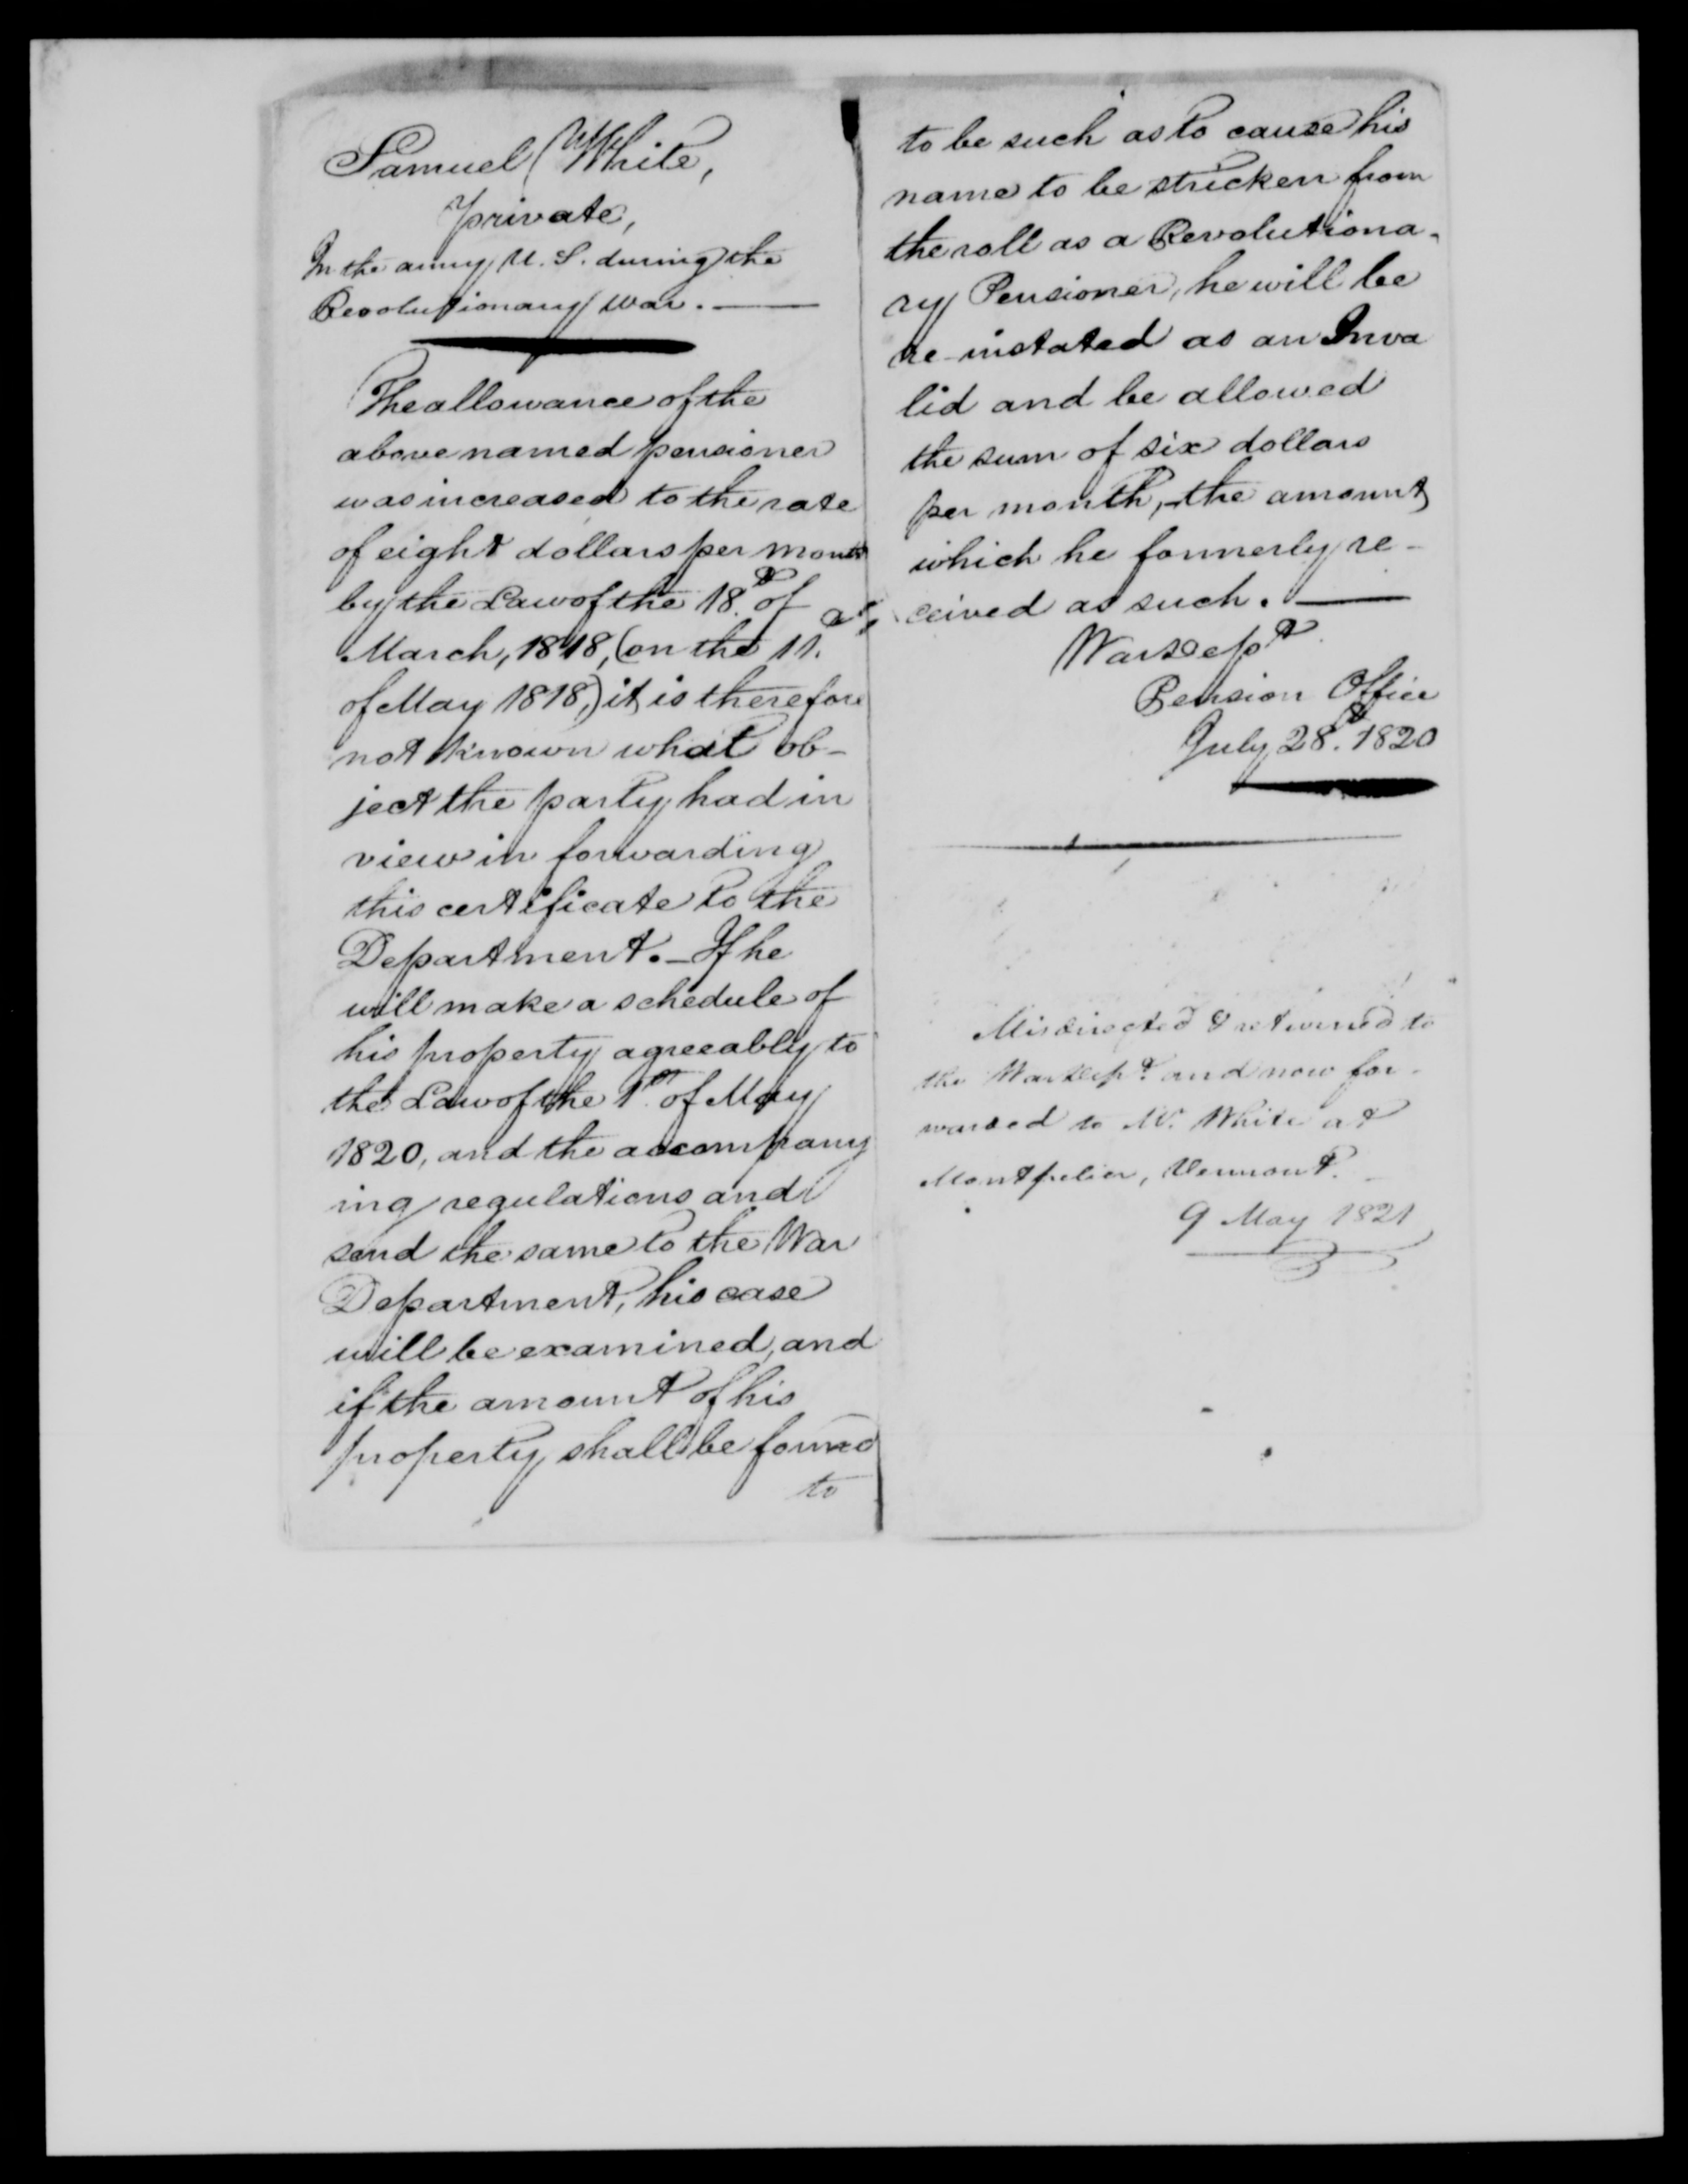Samuel White
Private In the army U. S. during the Revolutionary War
The allowance of the above name pensioner was increased to the rate of eight dollars per month by the Law of the 18th of March 1818, (on the 11 May 1818) it is therefore not known what object the party had in view in forwarding this certificate to the Department. If he will make a schedule of his property agreeably to the Law of the 1st of May 1820 and the accompanying regulations and send the same to the War Department his case will be examined and if the amount of his property shall be found to be such as to cause his name to be stricken from the roll as a Revolutionary Pensioner he will be reinstated as an Invalid and be allowed the sum of six dollars per month, the amount which he formerly received as such.
War Dept. 
Pension Office
July 28. 1820

Misdirected & returned to the War Dept. and now forwarded to Mr. White at Montpelier, Vt.
9 May 1821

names: Samuel White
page: 66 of 79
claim: survivor's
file: S. 11759, Samuel White, Mass.